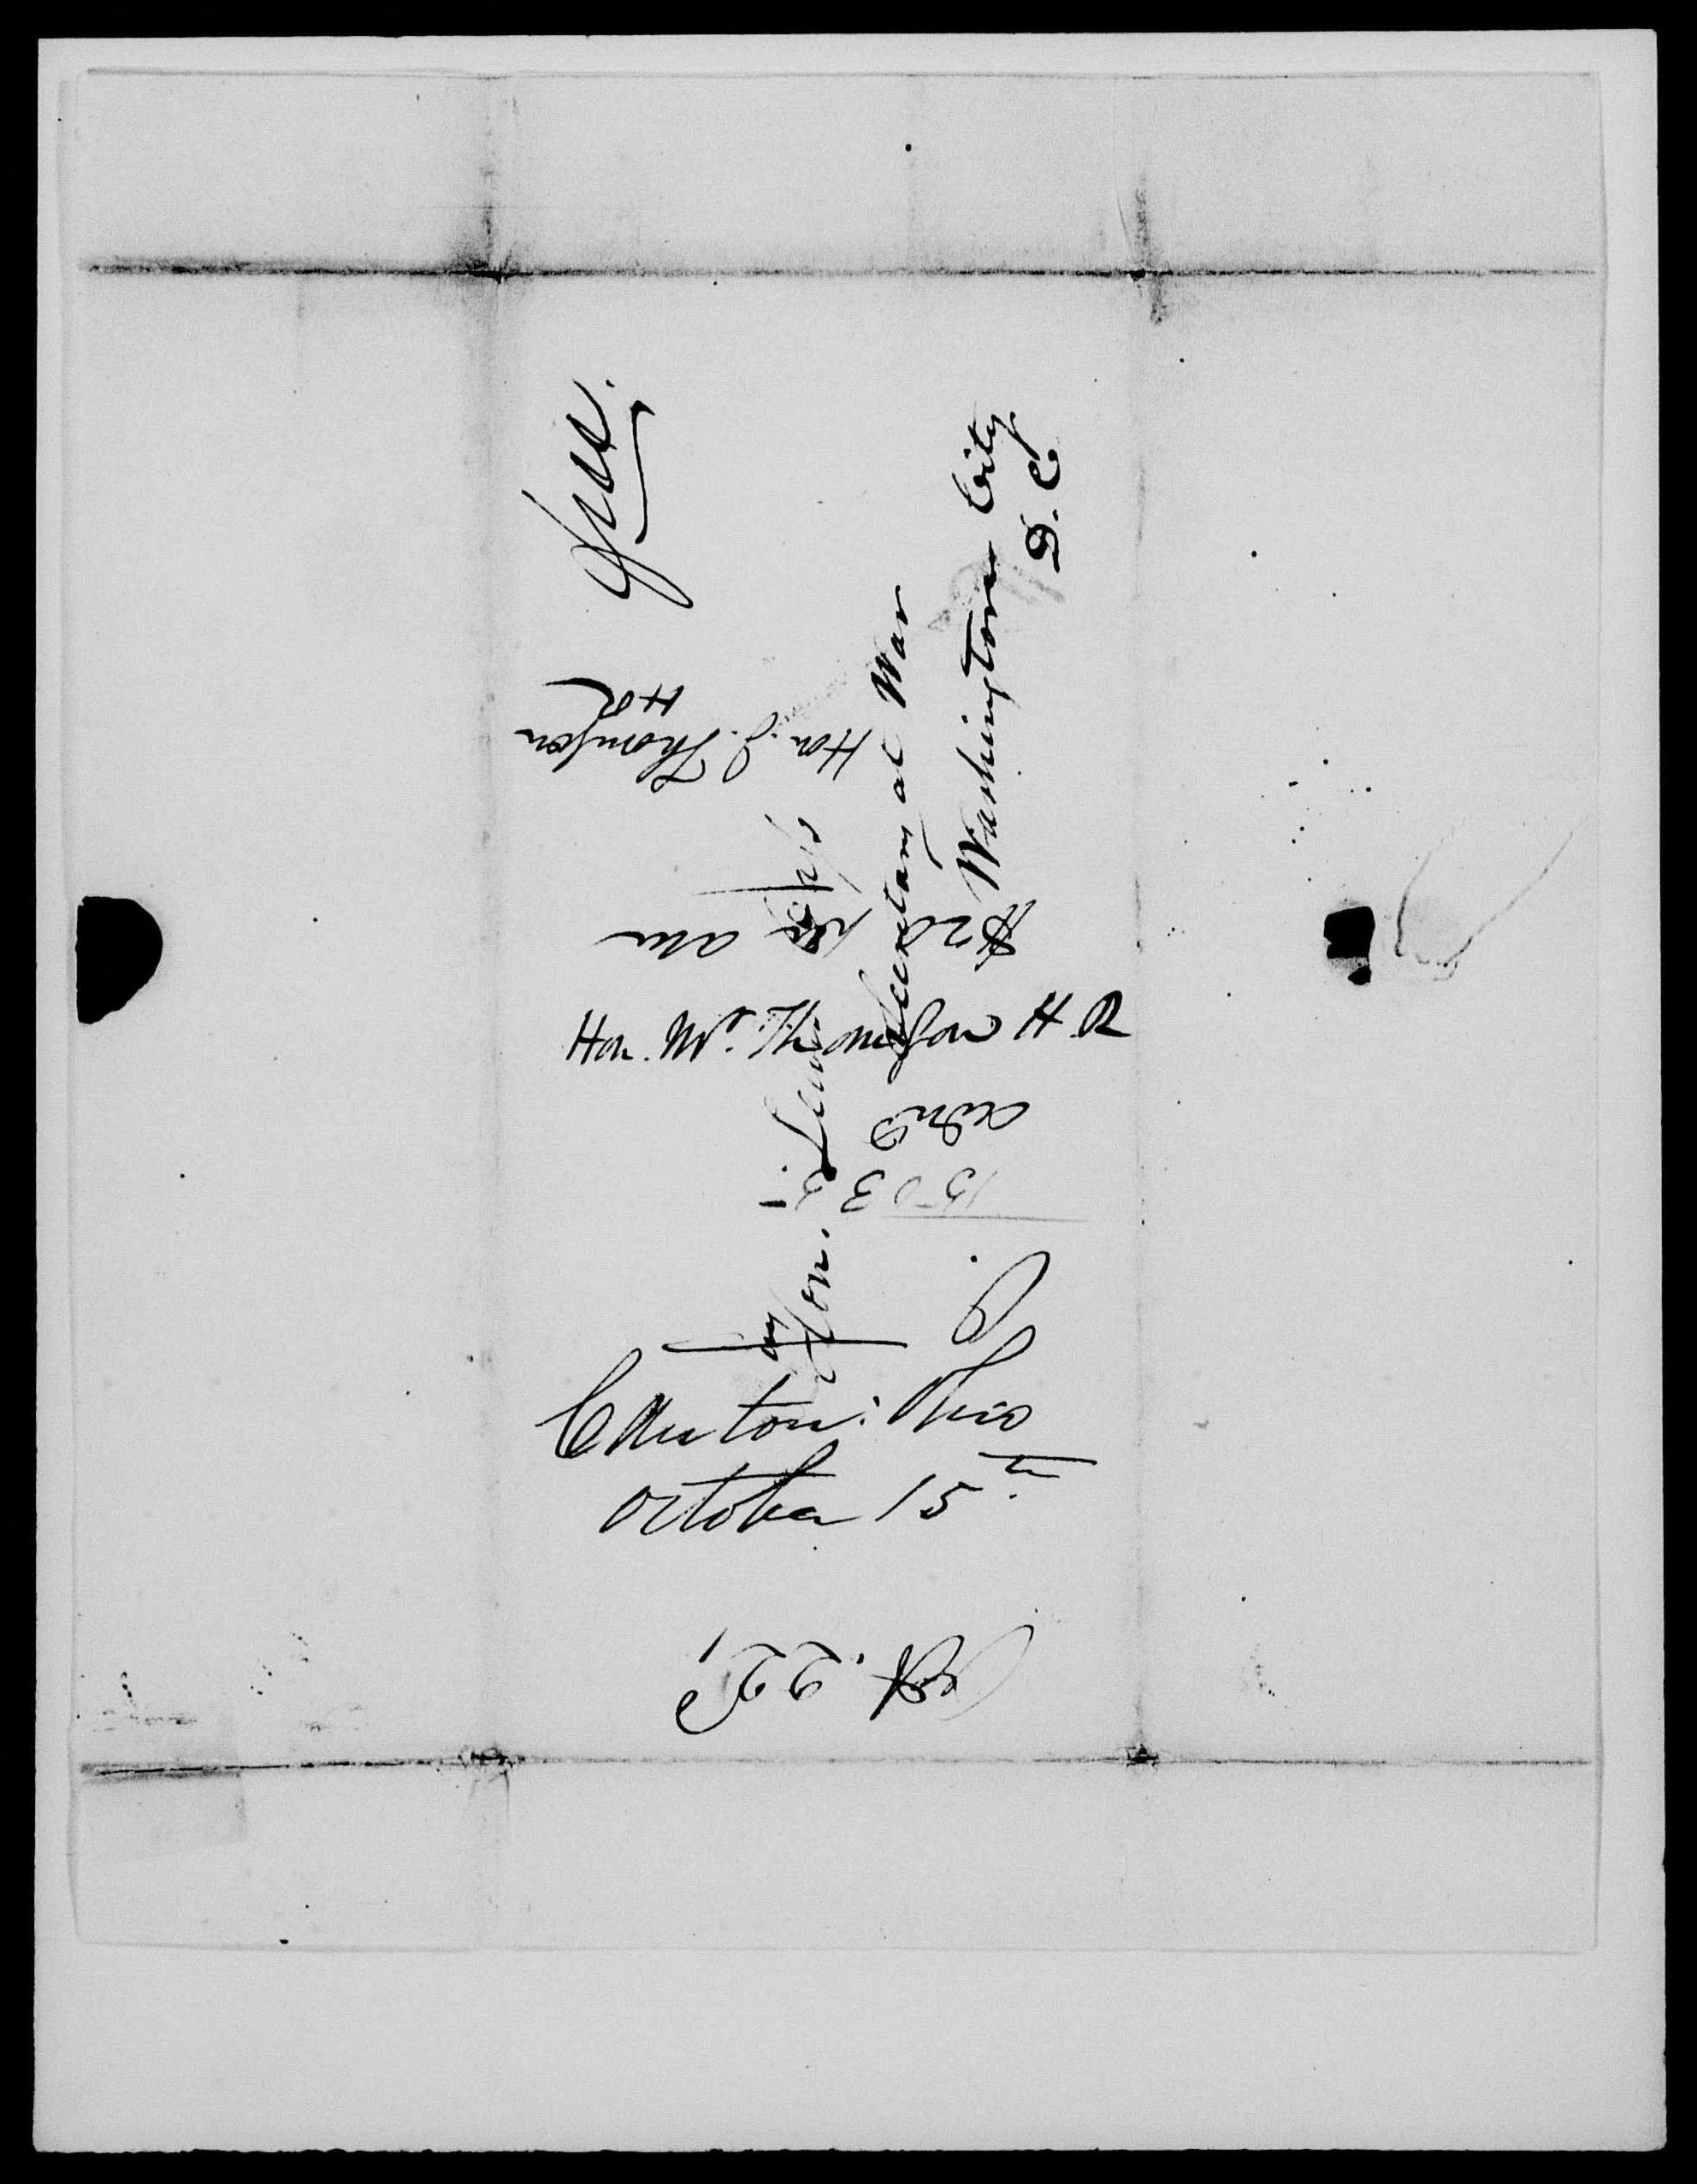Envelope

FREE

Hon Lewis Cass
Secretary of War
Washington City
D.C.

Oct 22nd
15035
Allowed
$20 per annum

Hon. J Thompson
H.R.

Hon Mr. Thompson
H.R.

Clinton Ohio
October 15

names: Lewis Cass, J Thomson, Jno Thomson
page: 3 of 9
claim: survivor's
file: S. 2183, Leonard Drury, Md.